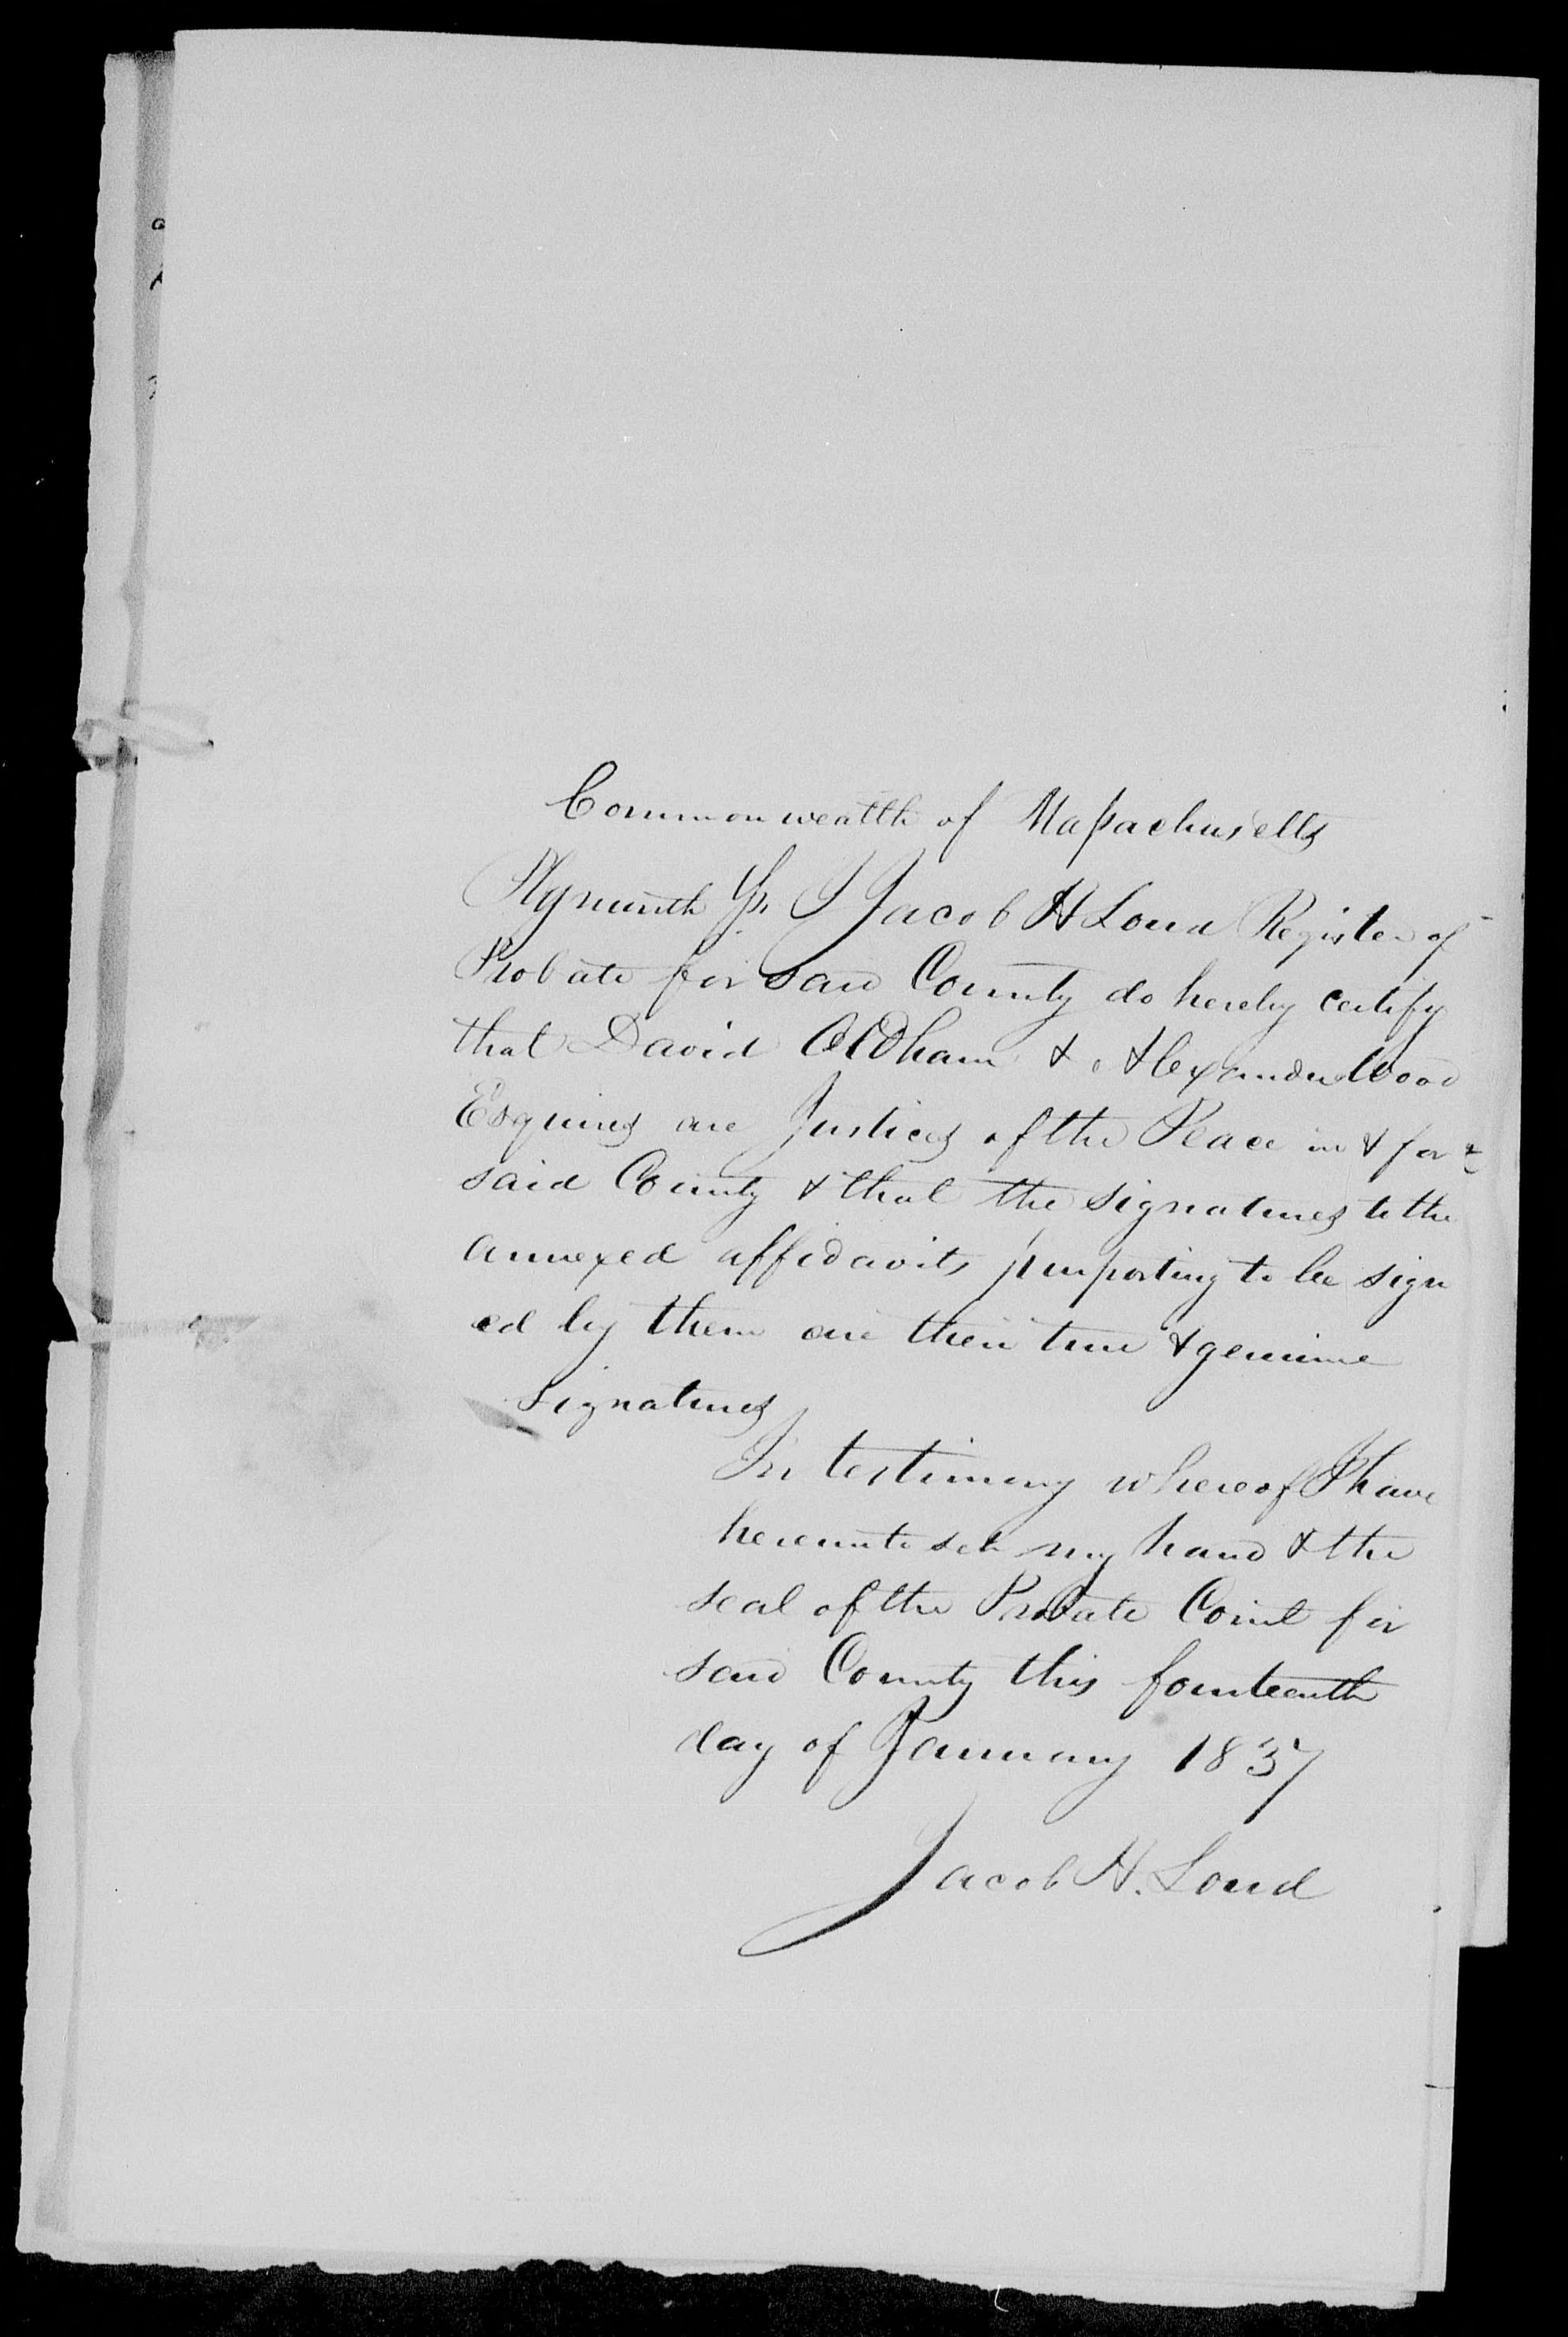Commonwealth of Massachusetts
Plymouth ss.  I Jacob H. Loud Register of Probate for said County do hereby certify that David Oldham and Alexander Wood Esquires are Justices of the Peace in and for said County and that the signatures to the annexed affidavits purporting to be signed by them are their true signatures.

In testimony whereof I have hereunto set my hand and the seal of the Probate Court for said County this fourteenth day of January 1837.

Jacob H. Loud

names: Jacob H Loud, Alexander Wood, Jacob H Loud, David Oldham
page: 28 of 33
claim: widow's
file: W. 22862, Tilden Crooker, Mass Navy